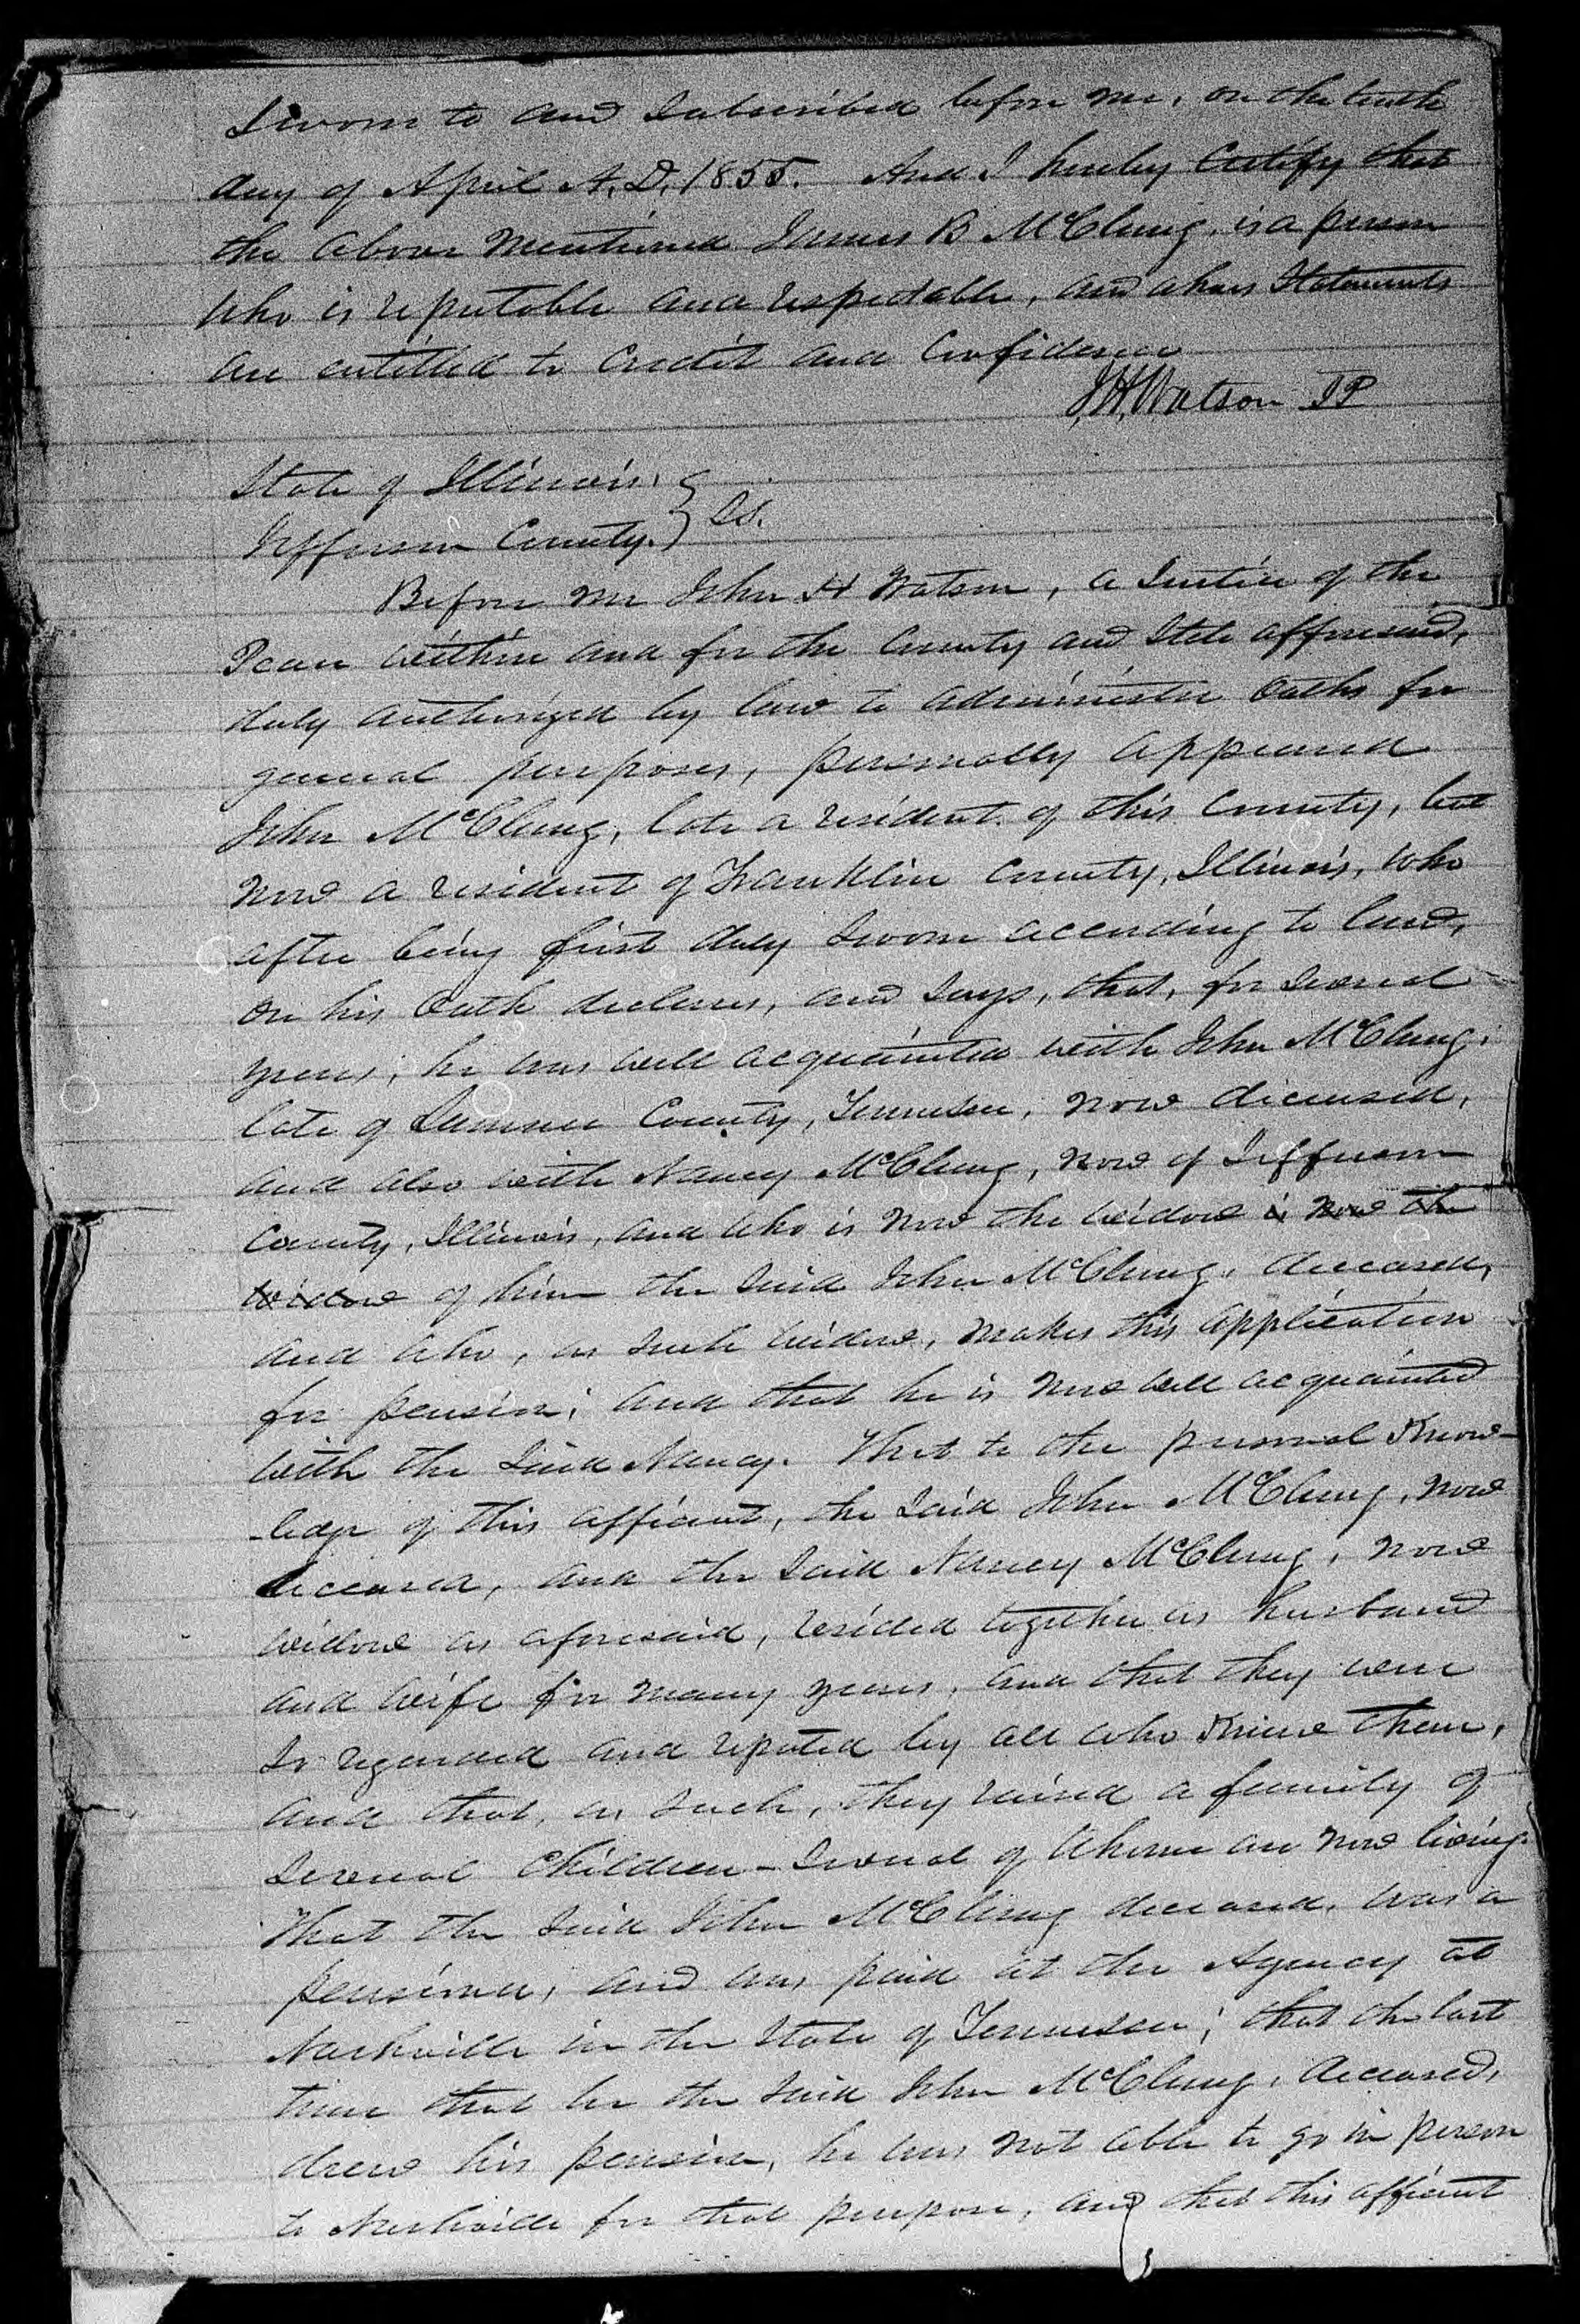Sworn to and subscribed before me, on the tenth 
day of April A.D. 1855. And I hereby certify that 
the above mentioned James B McClung is a person 
who is reputable and respectable, and his statements 
are entitled to credit and confidence.
J.H.Watson JP

State of Illinois }
Jefferson County } SS.

Before me John H Watson, a Justice of the
Peace within and for the County and State aforesaid, 
duly authorized by law to administer oaths for 
general purposes, personally appeared 
John McClung, late a resident of this County, and 
now a resident of Franklin County, Illinois, who 
after being first duly sworn according to law, 
on his oath declares, and says, that, for several 
years, he was well acquainted with John McClung, 
late of Sumner County, Tennessee, now deceased, 
and also with Nancy McClung, now of Jefferson 
County, Illinois, and who is now the widow [struck out: is now the 
widow] of him the said John McClung, deceased, 
and who, as such widow, makes this application 
for pension; and that he is now well acquainted 
with the said Nancy.  That to the personal know
ledge of this affiant, the said John McClung, now 
deceased, and the said Nancy McClung, now 
widow as aforesaid, resided together as husband 
and wife for many years, and that they were 
so regarded and reputed by all who knew them, 
and that, as such, they raised a family of 
several children, several of whom are now living. 
That the said John McClung, deceased, was a 
pensioner, and was paid at the Agency at 
Nashville in the State of Tennessee; that the last 
time that he the said John McClung, deceased, 
drew his pension, he was not able to go in person 
to Nashville for that purpose, and that this affiant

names: James B Mc Clung; Nancy Mc Clung; J H Watson; John Mc Clung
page: 33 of 115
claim: widow's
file: W. 1446, for John Mc Clung, South Carolina